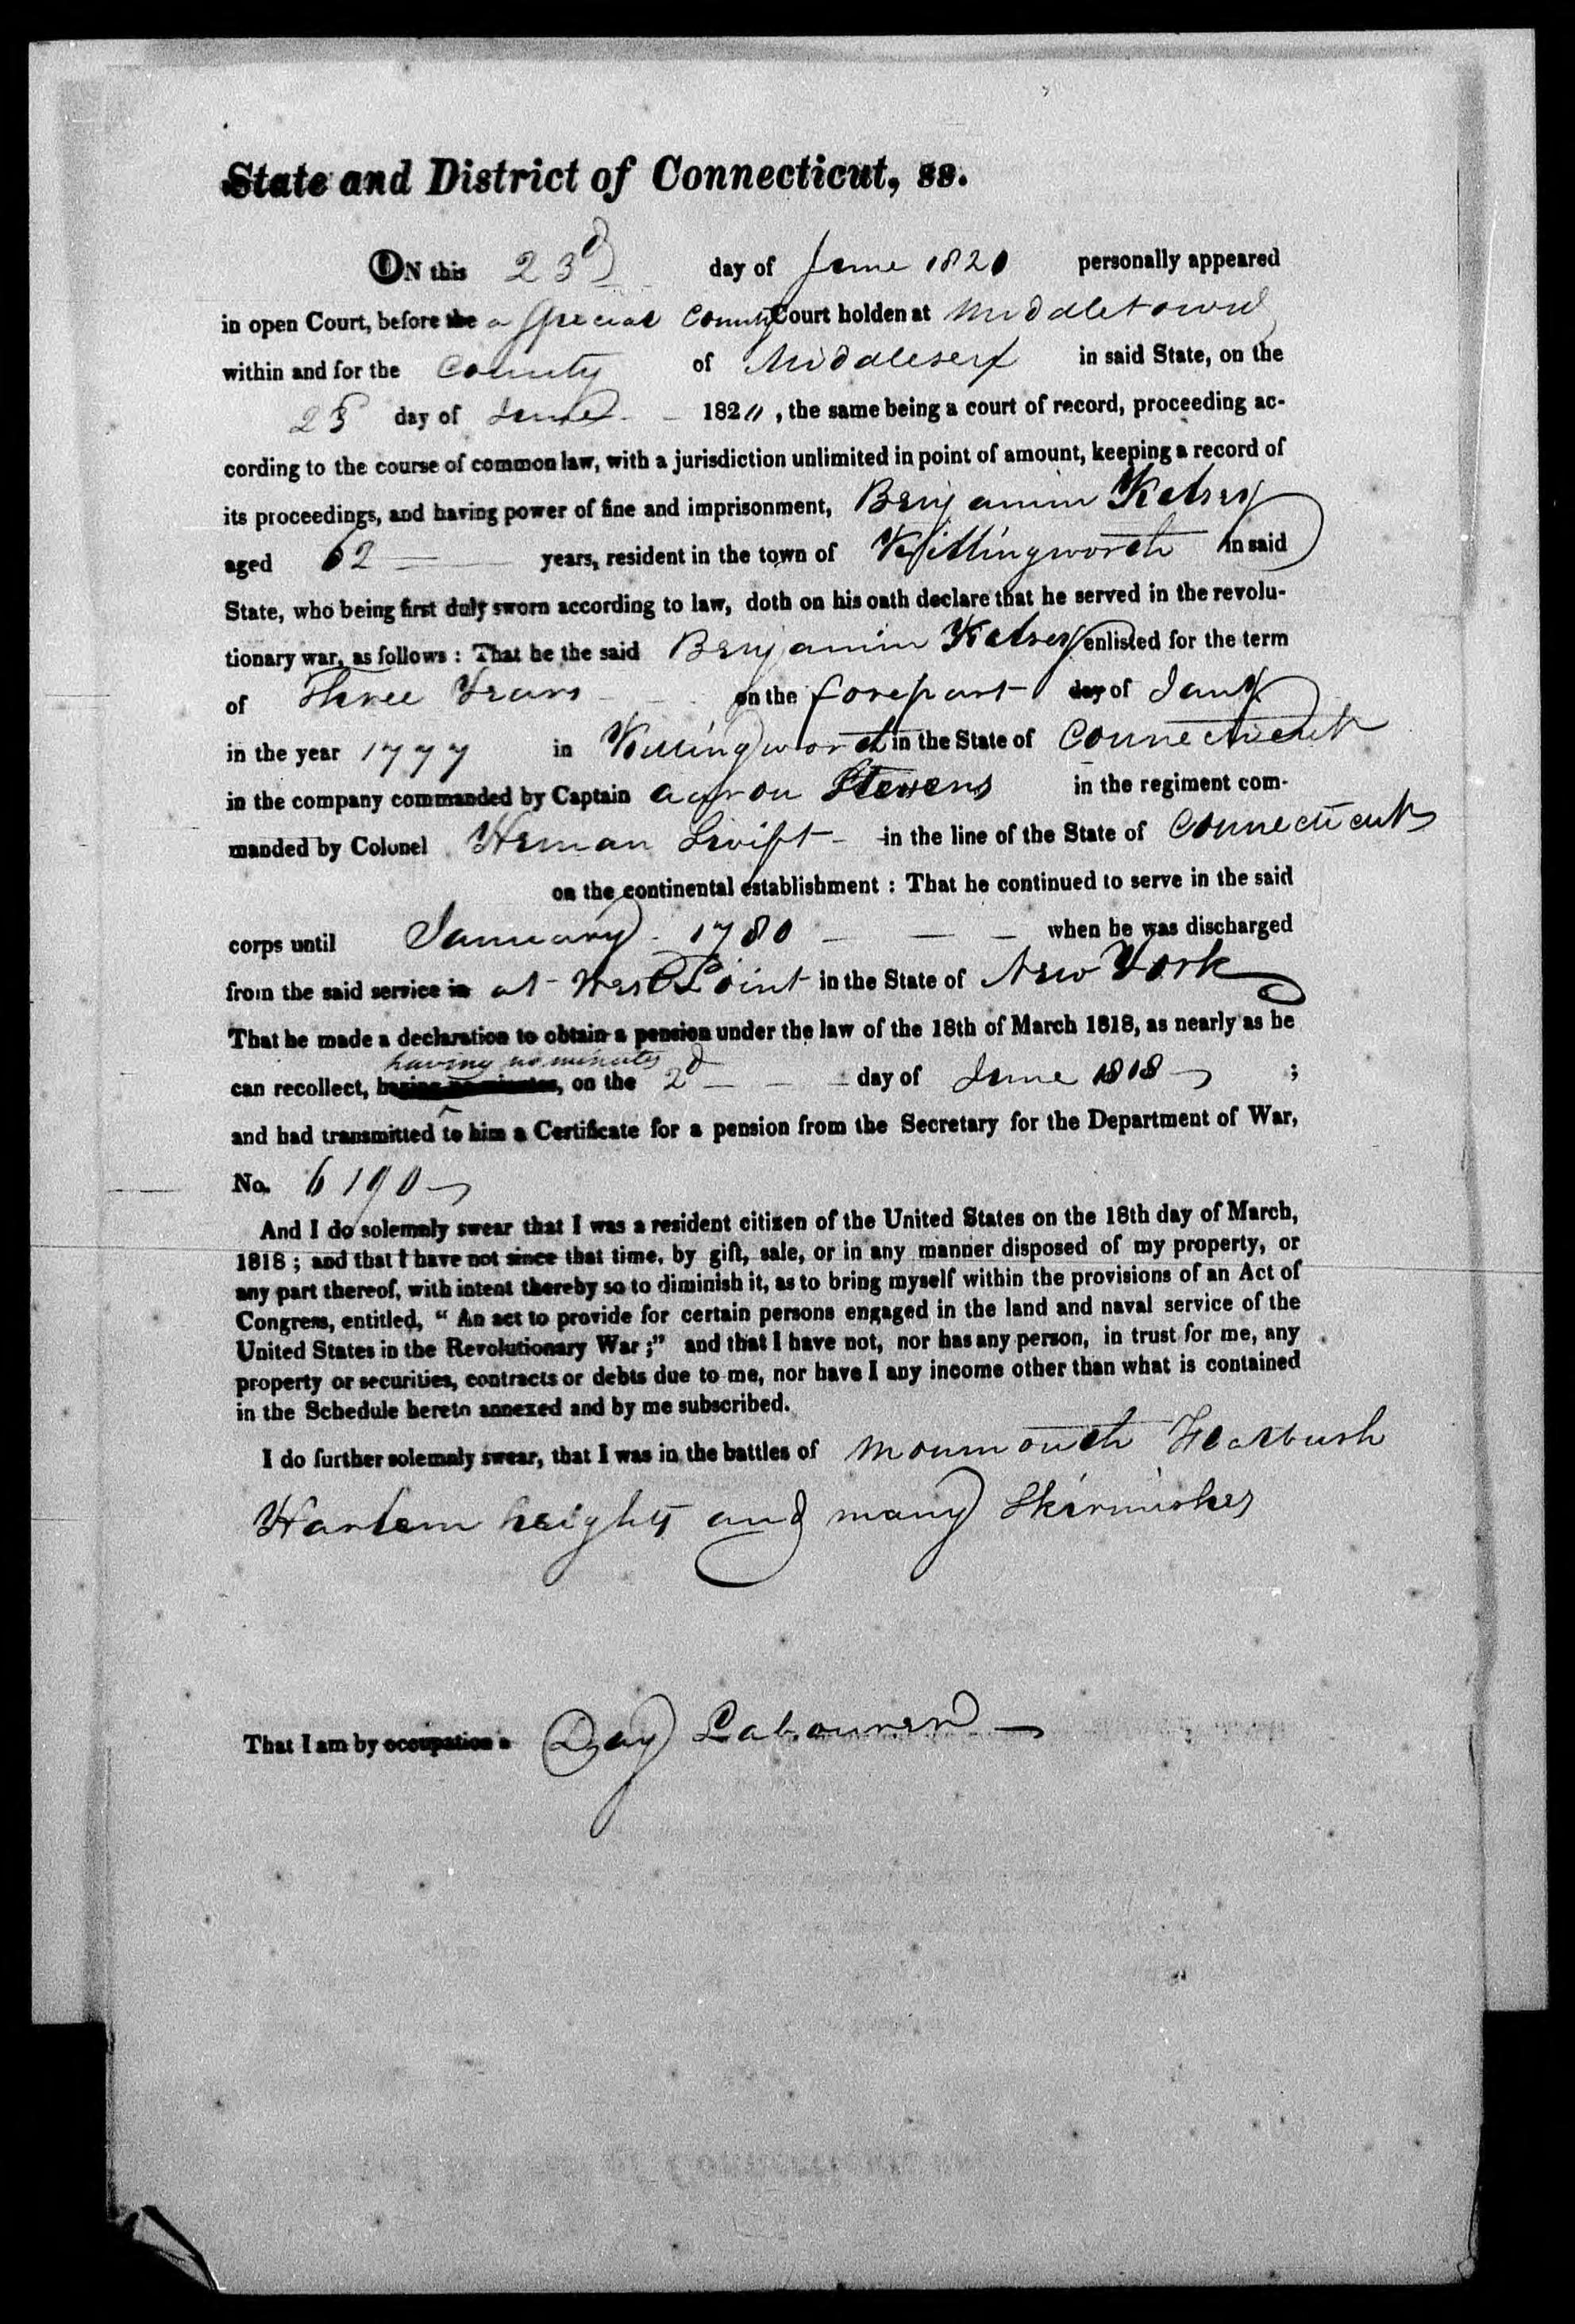State and District of Connecticut, ss. 
On this 23 within and for the County day of June 1820 personally appeared in open Court, before a special County Court holden at Middletown within and for the County of Middlesex in said State, on the 23 day of June 1820, the same being a court of record, proceeding according to the course of common law, with a jurisdiction unlimited in point of amount, keeping a record of its proceedings, and having power of fine and imprisonment, Benjamin Kelsey aged 62 years resident in the town of Killingworth and State, who being first duly sworn according to law, doth on his oath declare that he served in the revolutionary war, as follows: That he the said Benjamin Kelsey enlisted for the term of three years of the forepart of Jany in the year 1777 in Killingworth in the State of Connecticut in the company commanded by Captain Aaron Stevens in the regiment commanded by Colonel Heman Swift in the line of the State of Connecticut on the continental establishment: That he continued to serve in the said corps until January 1780 when he was discharged from the said service at West Point in the State of New York That he made a declaration to obtain a pension under the law of the 18th of March 1818, as nearly as he  can recollect, having no minutes, on the 2d day of June 1818 and had transmitted to him a Certificate for a pension from the Secretary for the Department of War, No. 6190 
And I do solemnly swear that I was a resident citizen of the United States on the 18th day of March, 1818, and that I have not since that time by gift, sale, or in any manner disposed of my property, or any part thereof, with intent thereby so to diminish it, as to bring myself within the provisions of an Act of Congress, entitled, "An act to provide for certain persons engaged in the land and naval service of the United States in the Revolutionary War;" and that I have not, nor has any person, in trust for me, any property or securities, contracts or debts due to me, nor have I any income other than what is contained in the Schedule hereto annexed and by me subscribed. 
I do further solemnly swear, that I was in the battles of Monmouth, Flatbush, Harlem Heights and many skirmishes.  
That am by occupation a Day Laborer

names: Benjamin Kelsey; Aaron Stevens; Heman Swift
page: 4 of 21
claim: survivor's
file: S. 36676, for Benjamin Kelsey, Connecticut